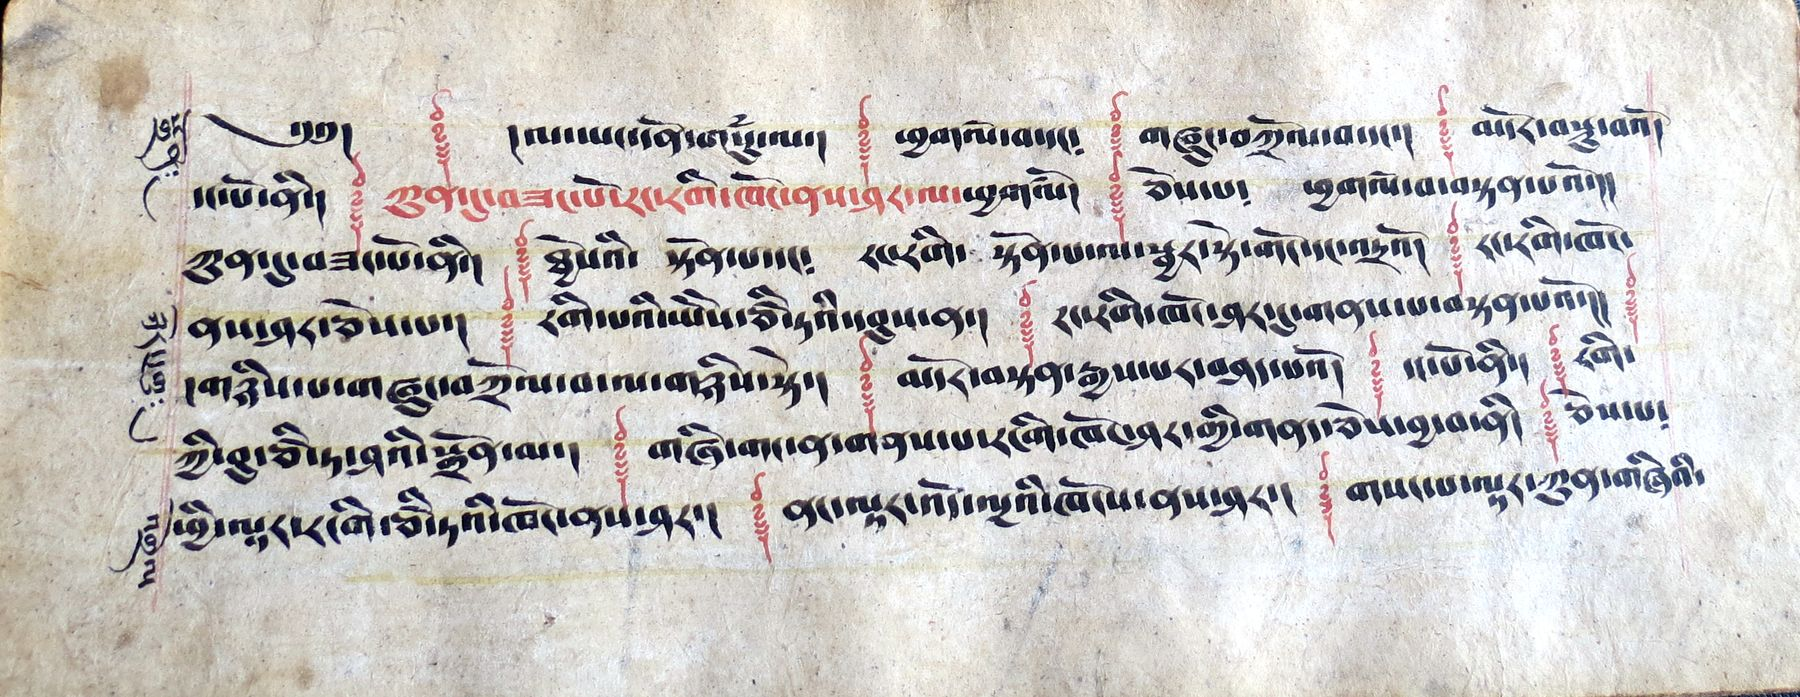ལ་ཡང་དོན་གསུམ་ལས། ཕྱག་འཚལ་བ་དང་། གཞུང་བཀྲོལ་བ་དང་། མདོར་བསྡུ་བའོ། །
དང་པོ་ནི་ཀུན་ཏུ་བཟང་པོ་རང་རིག་ཁོང་ནས་ཤར་བ་ལ་ཕྱག་འཚལ་ལོ། །ཞེས་པས། ཕྱག་འཚལ་བ་བསྟན་པའོ། །
ཀུན་ཏུ་བཟང་པོ་ནི། ཐུགས་རྗེའི་སྟོན་པ་དང་། རང་རིག་སྟོན་པ་ལ་སྦྱར་ཏེ། གོང་དང་འདྲའོ། །རང་རིག་ཁོང་
ནས་ཤར་ཅེས་པས། རིག་པའི་ཡེ་ཤེས་ཙི་ཏའི་དབུས་ན། རང་རིག་ཁོང་ཤར་དུ་གནས་པ་བསྟན་པའོ། །
གཉིས་པ་གཞུང་བཀྲོལ་བ་ལ་གཉིས་ཏེ། མདོར་བསྟན་རྒྱས་པར་བཤད་པའོ། །དང་པོ་ནི། རིགས་
ཀྱི་བུ་ཙི་ཏ་ཤའི་སྒྲོན་མ། གཞི་གང་ན་གནས་པ་རང་རིག་ཁོང་ཤར་གྱི་གནད་ཅེས་བྱ་བ་ནི། །ཞེས་པས་
ཕྱི་ལྟར་རང་རིག་ཙི་ཏའི་ཁོང་ནས་ཤར། ནང་ལྟར་འོད་ལྔའི་ཁོང་ནས་ཤར། གསང་བ་ལྟར་ཀུན་གཞིའི་